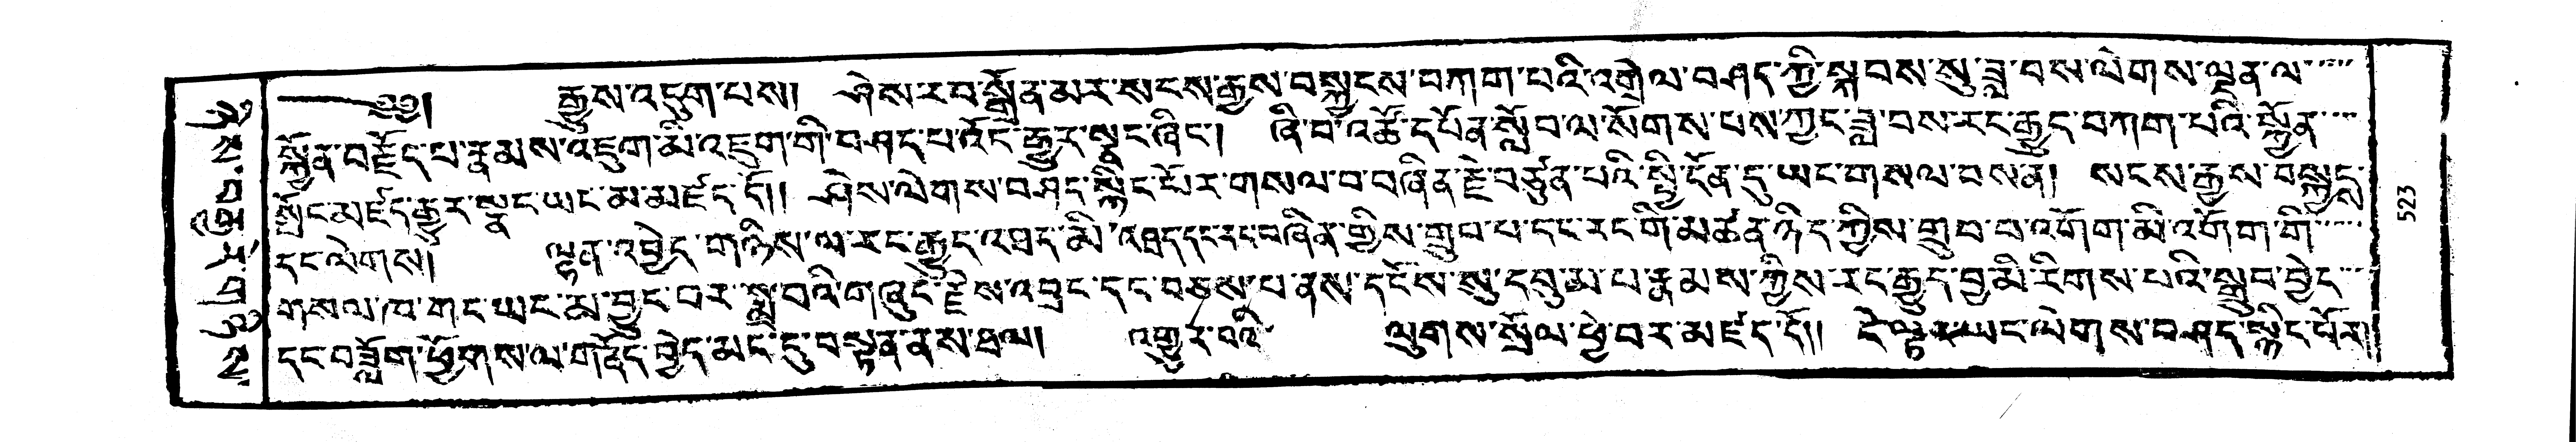༄༅། །རྒྱུས་འདུག་པས། ཤེས་རབ་སྒྲོན་མར་སངས་རྒྱས་བསྐྱངས་བཀག་པའི་འགྲེལ་བཤད་ཀྱི་སྐབས་སུ་ཟླ་བས་ལེགས་ལྡན་ལ་
སྐྱོན་བརྗོད་པ་རྣམས་འཇུག་མི་འཇུག་གི་བཤད་པ་འོང་རྒྱུར་སྣང་ཞིང་། ཞི་བ་འཚོ་དཔོན་སློབ་ལ་སོགས་པས་ཀྱང་ཟླ་བས་རང་རྒྱུད་བཀག་པའི་སྐྱོན་
སྤོང་མཛད་རྒྱུར་སྣང་ཡང་མ་མཛད་དོ། །ཤེས་ལེགས་བཤད་སྙིང་པོར་གསལ་བ་བཞིན་རྗེ་བཙུན་པའི་སྤྱི་དོན་དུ་ཡང་གསལ་བས་ན། སངས་རྒྱས་བསྐྱངས་
དང་ལེགས། ལྷན་འབྱེད་གཉིས་ལ་རང་རྒྱུད་འཐད་མི་འཐད་དང་རང་བཞིན་གྱིས་གྲུབ་པ་དང་རང་གི་མཚན་ཉིད་ཀྱིས་གྲུབ་པ་འགོག་མི་འགོག་གི་
གསལ་ཁ་གང་ཡང་མ་བྱུང་བར་སྨྲ་བའི་གཞུང་རྗེས་འབྲང་དང་བཅས་པ་ནས་དངོས་སུ་དབུ་མ་པ་རྣམས་ཀྱིས་རང་རྒྱུད་བྱ་མི་རིགས་པའི་སྒྲུབ་བྱེད་
དང་བཟློག་ཕྱོགས་ལ་གནོད་བྱེད་མང་དུ་བསྟན་ནས་ཐལ། འགྱུར་བའི་ལུགས་སྲོལ་ཕྱེ་བར་མཛད་དོ། །དེ་ལྟར་ཡང་ལེགས་བཤད་སྙིང་པོར།